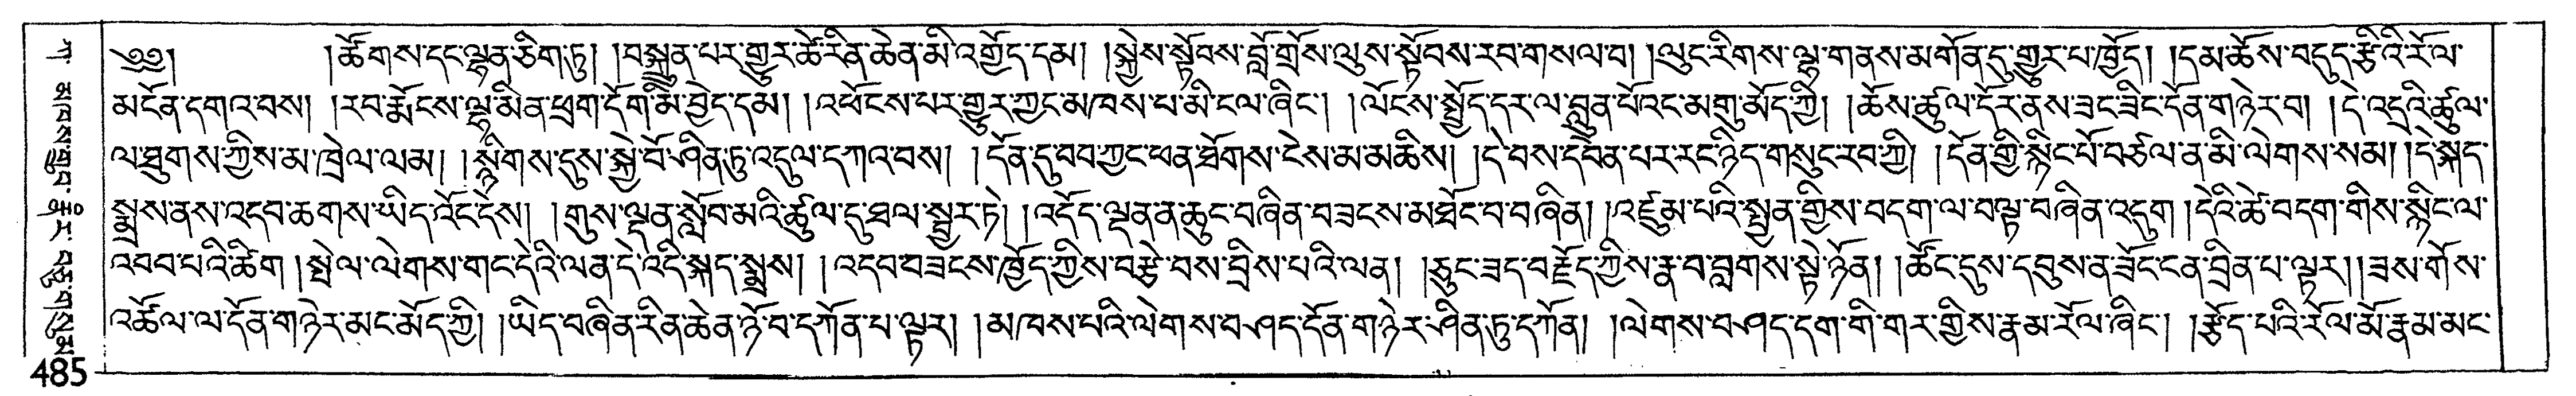༄༅། །ཚོགས་དང་ལྷན་ཅིག་ཏུ། །བསྐྲུན་པར་གྱུར་ཚེ་རིན་ཆེན་མི་འགྱོད་དམ། །སྐྱེས་སྟོབས་བློ་གྲོས་ལུས་སྟོབས་རབ་གསལ་བ། །ལུང་རིགས་ལྷ་གནས་མགོན་དུ་གྱུར་པ་ཁྱོད། །དམ་ཆོས་བདུད་རྩིའི་རོ་ལ་
མངོན་དགའ་བས། །རབ་རྨོངས་ལྷ་མིན་ཕྲག་དོག་མི་བྱེད་དམ། །འཕོངས་པར་གྱུར་ཀྱང་མཁས་པ་མི་ངལ་ཞིང་། །ལོངས་སྤྱོད་དར་ལ་བླུན་པོའང་མགུ་མོད་ཀྱི། །ཆོས་ཚུལ་དོར་ནས་ཟང་ཟིང་དོན་གཉེར་བ། །དེ་འདྲའི་ཚུལ་
ལ་ཐུགས་ཀྱིས་མ་ཁྲེལ་ལམ། །སྙིགས་དུས་སྐྱེ་བོ་ཤིན་ཏུ་འདུལ་དཀའ་བས། །དོན་དུ་བབ་ཀྱང་ཕན་ཐོགས་ངེས་མ་མཆིས། །དེ་བས་དབེན་པར་རང་ཉིད་གསུང་རབ་ཀྱི། །དོན་གྱི་སྙིང་པོ་བཙལ་ན་མི་ལེགས་སམ། །དེ་སྐད་
སྨྲས་ནས་འདབ་ཆགས་ཡིད་འོང་དེས། །གུས་ལྡན་སློབ་མའི་ཚུལ་དུ་ཐལ་སྦྱར་ཏེ། །འདོད་ལྡན་ན་ཆུང་བཞིན་བཟངས་མཐོང་བ་བཞིན། །འཛུམ་པའི་སྤྱན་གྱིས་བདག་ལ་བལྟ་བཞིན་འདུག །དེའི་ཚེ་བདག་གིས་སྙིང་ལ་
འབབ་པའི་ཚིག །སྤེལ་ལེགས་གང་དེའི་ལན་དེ་འདི་སྐད་སྨྲས། །འདབ་བཟངས་ཁྱོད་ཀྱིས་བརྩེ་བས་བྲིས་པའི་ལན། །ཅུང་ཟད་བརྗོད་ཀྱིས་རྣ་བ་བླགས་སྟེ་ཉོན། །ཚོང་དུས་དབུས་ན་ཟོང་ངན་བྲིན་པ་ལྟར། །ཟས་གོས་
འཚོལ་ལ་དོན་གཉེར་མང་མོད་ཀྱི། །ཡིད་བཞིན་རིན་ཆེན་ཉོ་བ་དཀོན་པ་ལྟར། །མཁས་པའི་ལེགས་བཤད་དོན་གཉེར་ཤིན་ཏུ་དཀོན། །ལེགས་བཤད་དག་གི་གར་གྱིས་རྣམ་རོལ་ཞིང་། །རྩོད་པའི་རོལ་མོ་རྣམ་མང་